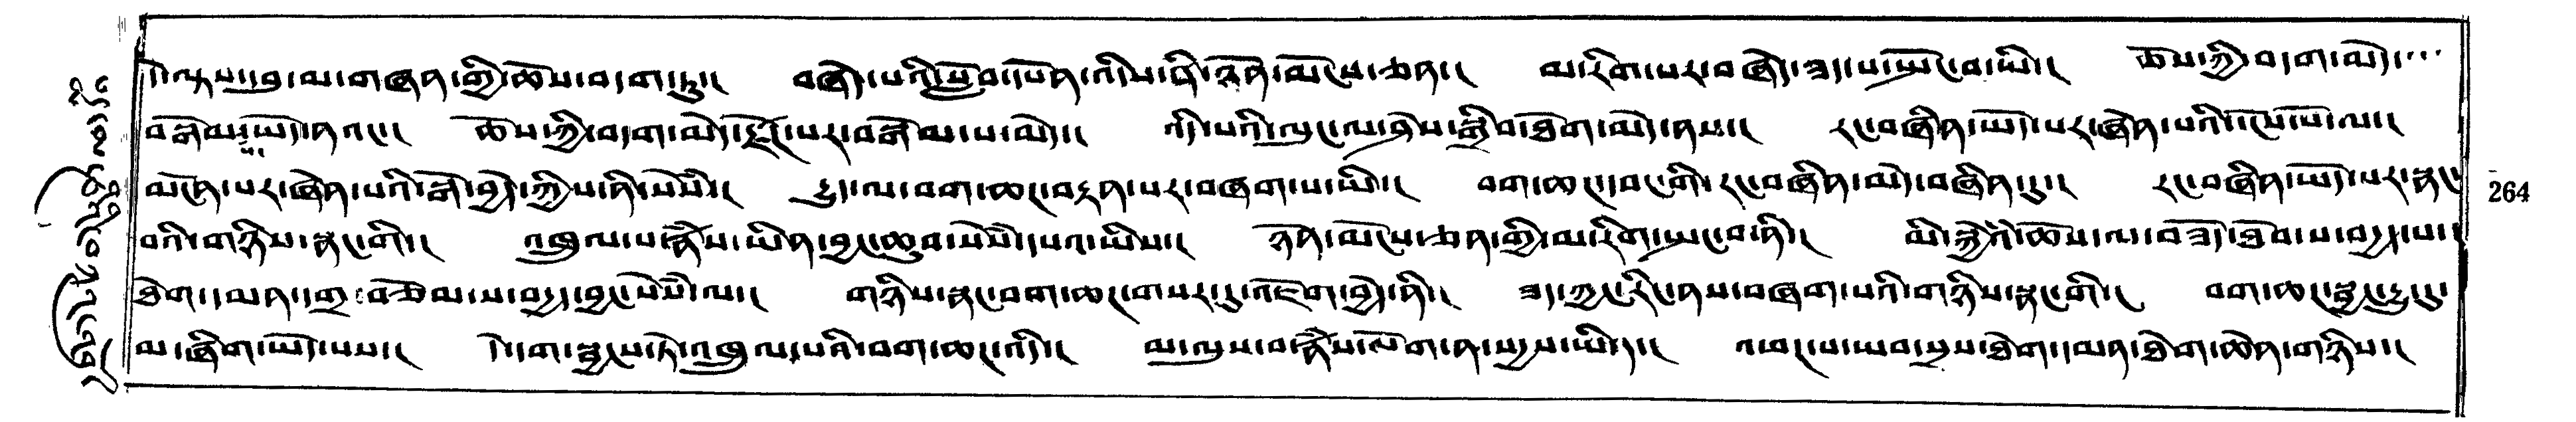དེ་ལྟས་དབུ་མ་གཞན་གྱི་ཆོས་བདག་ཏུ། །བཞེད་པའི་སློབ་དཔོན་འདིས་ནི་ཉོན་མོངས་ཅན། །མ་རིག་པར་བཞེད་ཟད་པ་སྤོང་བ་ཡི། །ཆོས་ཀྱི་བདག་མེད་
བསྒོམ་པ་ཡོད་ནའང་། །ཆོས་ཀྱི་བདག་མེད་རྫོགས་པར་བསྒོམ་པ་མེད། །འདི་པའི་ལུགས་ལ་ཤེས་སྒྲིབ་ཐོག་མེད་ནས། །རང་བཞིན་ཡོད་པར་ཞེན་པའི་དངོས་པོ་ལ། །
མངོན་པར་ཞེན་པའི་སྒོ་བྱེད་ཀྱིས་ནི་སེམས། །རྒྱུད་ལ་བག་ཆགས་བརྟན་པར་བཞག་པ་ཡི། །བག་ཆགས་དབང་གི་རང་བཞིན་མེད་བཞིན་དུ། །རང་བཞིན་ཡོད་པར་སྣང་
བའི་གཉིས་སྣང་གི།འཁྲུལ་པ་རྣམས་ཡིན་བྱང་ཆུབ་སེམས་དཔའ་ཡིས། །ཉོན་མོངས་ཅན་གྱི་མ་རིག་སྤང་བ་ནི། །མི་སྐྱེའི་ཆོས་ལ་བཟོད་ཐོབ་ས་བརྒྱད་པ། །
ཐེག་དམན་དགྲ་བཅོམ་ས་བརྒྱད་བྱང་སེམས་ལ། །གཉིས་སྣང་བག་ཆགས་གསར་དུ་འཇོག་བྱེད་ནི། །ཟད་ཀྱང་རིང་ནས་བཞག་པའི་གཉིས་སྣང་གི །བག་ཆགས་སྦྱང་རྒྱུ་དུ་
མ་ཞིག་ཡོད་པས། །དེ་དག་སྦྱངས་ཏེ་འཁྲུལ་པའི་བག་ཆགས་འདི། །མ་ལུས་པ་རྣམས་ལོག་ན་སངས་རྒྱས་ཡིན། །འཕགས་པ་ཡབ་སྲས་ཐེག་དམན་ཐེག་ཆེན་གཉིས། །